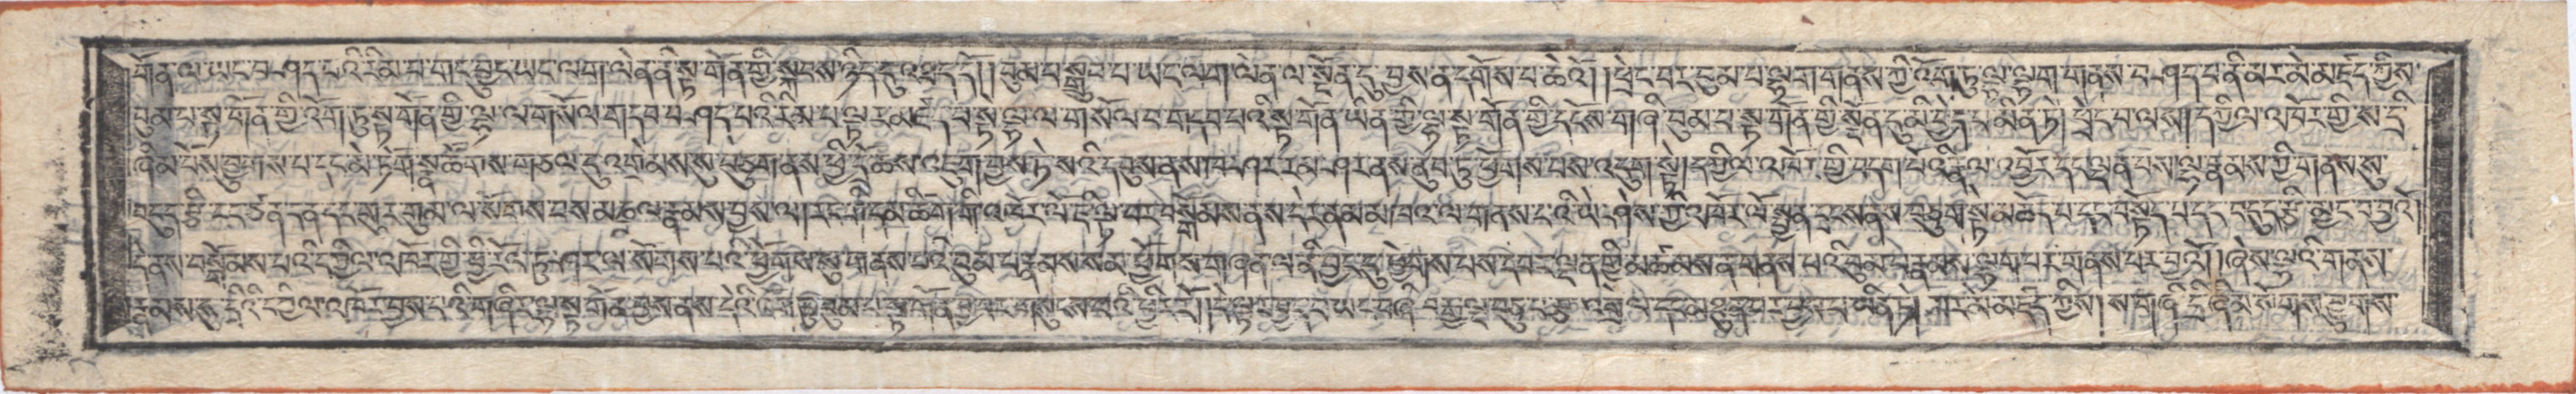གོན་ལ་ཡང་བཤད་པའི་རིམ་པ་གང་བྱུང་ཡང་ལག་ལེན་ནི་སྟ་གོན་གྱི་སྐབས་ཉིད་དུ་འཐད་དོ། །བུམ་པ་སྒྲུབ་པ་ཡང་ལག་ལེན་ལ་སྔོན་དུ་བྱས་ན་དགོས་པ་ཆེའོ། །ཕྲེང་བར་བུམ་པ་ལྷག་གནས་ཀྱི་འོག་ཏུ་ལྷ་ལྷག་གནས་བཤད་པ་ནི་མར་མེ་མཛད་ཀྱིས་
བུམ་པ་སྟ་གོན་གྱི་འོག་ཏུ་སྟ་གོན་གྱི་ལྷ་ལ་གསོལ་གདབ་བཤད་པའི་རིམ་པ་ལྟར་མཛད་པ་སྟེ་ལྷ་ལ་གསོལ་བ་གདབ་པའི་སྟ་གོན་ཡིན་གྱི་ལྷ་སྟ་གོན་གྱི་དངོས་གཞི་བུམ་པ་སྟ་གོན་གྱི་སྔོན་དུ་མི་བྱེད་པ་མིན་ཏེ། ཕྲེང་བ་ལས། དཀྱིལ་འཁོར་གྱི་ས་དྲི་
ཞིམ་པོས་བྱུགས་པ་དང་མེ་ཏོག་སྣ་ཚོགས་གཅལ་དུ་འགྲེམས་སུ་བཅུག་ནས་ཕྱི་དྲོ་ཆས་འཇུག་བྱས་ཏེ་སའི་དབུས་ནས་ཁ་ཤར་རམ་ཤར་ནས་ནུབ་ཏུ་ཕྱོགས་པས་འདུག་སྟེ། དཀྱིལ་འཁོར་གྱི་བདག་པོའི་རྣལ་འབྱོར་དང་ལྡན་པས་ལྷ་རྣམས་ཀྱི་གནས་སུ་
བདུད་རྩི་དང་ཙན་དན་དང་གུར་གུམ་ལ་སོགས་པས་མཎྜལ་རྣམས་བྱས་ལ། རང་གི་དམ་ཚིག་གི་འཁོར་ལོ་ཇི་ལྟ་བར་བསྒོམས་ནས་དེར་ནམ་མཁའ་ལ་གནས་པའི་ཡེ་ཤེས་ཀྱི་འཁོར་ལོ་སྤྱན་དྲངས་ནས་བཅུག་སྟེ་མཆོད་པ་དང་བསྟོད་པ་དང་བདུད་རྩི་མྱང་བ་བྱའོ།
དེ་ནས་བསྒོམས་པའི་དཀྱིལ་འཁོར་གྱི་ཕྱི་རོལ་ཏུ་ཤར་ལ་སོགས་པའི་ཕྱོགས་སུ་གནས་པའི་བུམ་པ་རྣམས་སམ་ཕྱོགས་གཞན་ལ་ནི་བྱང་དུ་ཕྱོགས་པས་དབང་ལྡན་གྱི་མཚམས་ན་གནས་པའི་བུམ་པ་རྣམས་ལྷག་པར་གནས་པར་བྱའོ། །ཞེས་ལྷའི་གནས་
རྣམས་སུ་དྲིའི་དཀྱིལ་འཁོར་བྱས་པའི་གཞིར་ལྷ་སྟ་གོན་བྱས་ནས་དེའི་འོག་ཏུ་བུམ་པ་སྟ་གོན་བྱ་བར་གསུངས་པའི་ཕྱིར་རོ། །དེ་ལྟར་བྱད་པ་ཡང་བཞི་བརྒྱ་ལྔ་བཅུ་པ་རྩ་འགྲེལ་དང་མཐུན་པར་བྱས་པ་ཡིན་ཏེ། མར་མེ་མཛད་ཀྱིས། ས་གཞི་དྲི་ཞིམ་སོགས་བྱུགས་